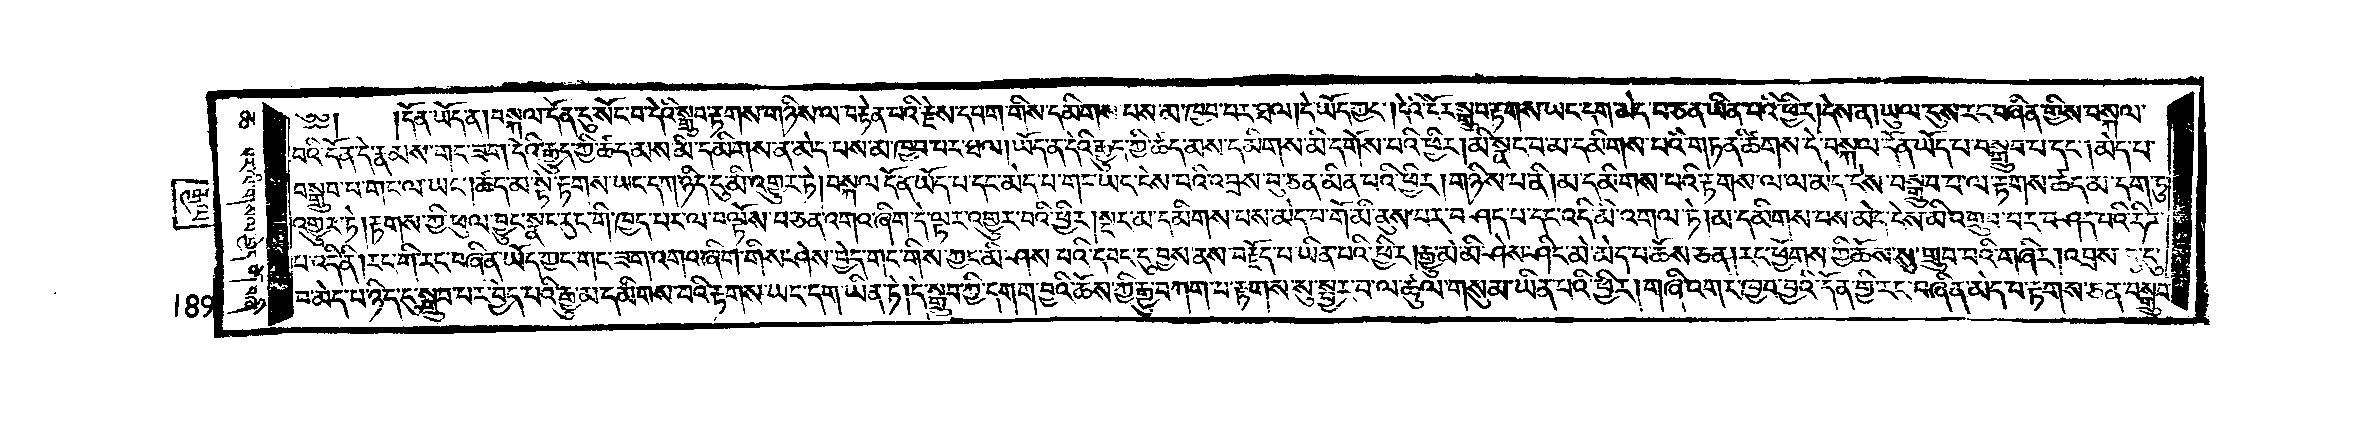༄༅། །དོན་ཡོད་ན། བསྐལ་དོན་དུ་སོང་བ་དེའི་སྒྲུབ་རྟགས་གཉིས་ལ་བརྟེན་པའི་རྗེས་དཔག་གིས་དམིགས་པས་མ་ཁྱབ་པར་ཐལ། དེ་ཡོད་ཀྱང་། དེའི་ངོར་སྒྲུབ་རྟགས་ཡང་དག་མེད་པ་ཅན་ཡིན་པའི་ཕྱིར། དེས་ན། ཡུལ་དུས་རང་བཞིན་གྱིས་བསྐལ་
བའི་དོན་དེ་རྣམས་གང་ཟག་དེའི་རྒྱུད་ཀྱི་ཚད་མས་མི་དམིགས་ན་མེད་པས་མ་ཁྱབ་པར་ཐལ། ཡོད་ན་དེའི་རྒྱུད་ཀྱི་ཚད་མས་དམིགས་མི་དགོས་པའི་ཕྱིར། མི་སྣང་བ་མ་དམིགས་པའི་གཏན་ཚིགས་དེ་བསྐལ་དོན་ཡོད་པ་བསྒྲུབ་པ་དང་། མེད་པ་
བསྒྲུབ་པ་གང་ལ་ཡང་། ཚད་མ་སྟེ་རྟགས་ཡང་དག་ཉིད་དུ་མི་འགྱུར་ཏེ། བསྐལ་དོན་ཡོད་པ་དང་མེད་པ་གང་ཡང་ངེས་པའི་འབྲས་བུ་ཅན་མིན་པའི་ཕྱིར། གཉིས་པ་ནི། མ་དམིགས་པའི་རྟགས་ལ་ལ་མེད་ངེས་བསྒྲུབ་པ་ལ་རྟགས་ཚད་མ་དག་ཏུ་
འགྱུར་ཏེ། རྟགས་ཀྱི་ཕུལ་བྱུང་སྣང་རུང་གི་ཁྱད་པར་ལ་བལྟོས་པ་ཅན་འགའ་ཞིག་དེ་ལྟར་འགྱུར་བའི་ཕྱིར། སྔར་མ་དམིགས་པས་མེད་པ་གོ་མི་ནུས་པར་བཤད་པ་དང་འདི་མི་འགལ་ཏེ། མ་དམིགས་པས་མེད་ངེས་མི་འགྲུབ་པར་བཤད་པའི་རིགས་
པ་འདི་ནི། རང་གི་རང་བཞིན་ཡོད་ཀྱང་གང་ཟག་འགའ་ཞིག་གིས་ཤེས་བྱེད་གང་གིས་ཀྱང་མི་ཤས་པའི་དབང་དུ་བྱས་ནས་བརྗོད་པ་ཡིན་པའི་ཕྱིར། རྒྱུ་མེ་མི་ཤེས་ཤིང་མེ་མེད་པ་ཆོས་ཅན། རང་ཕྱོགས་ཀྱི་ཆོས་སུ་གྲུབ་པའི་གཞིར། འབྲས་བུ་དུ་
བ་མེད་པ་ཉིད་དུ་སྒྲུབ་པར་བྱེད་པའི་རྒྱུ་མ་དམིགས་པའི་རྟགས་ཡང་དག་ཡིན་ཏེ། དེ་སྒྲུབ་ཀྱི་དགག་བྱའི་ཆོས་ཀྱི་རྒྱུ་བཀག་པ་རྟགས་སུ་སྦྱར་བ་ལ་ཚུལ་གསུམ་ཡིན་པའི་ཕྱིར། གཞི་འགར་ཁྱབ་བྱའི་དོན་གྱི་རང་བཞིན་མེད་པ་རྟགས་ཅན་བསྒྲུབ་